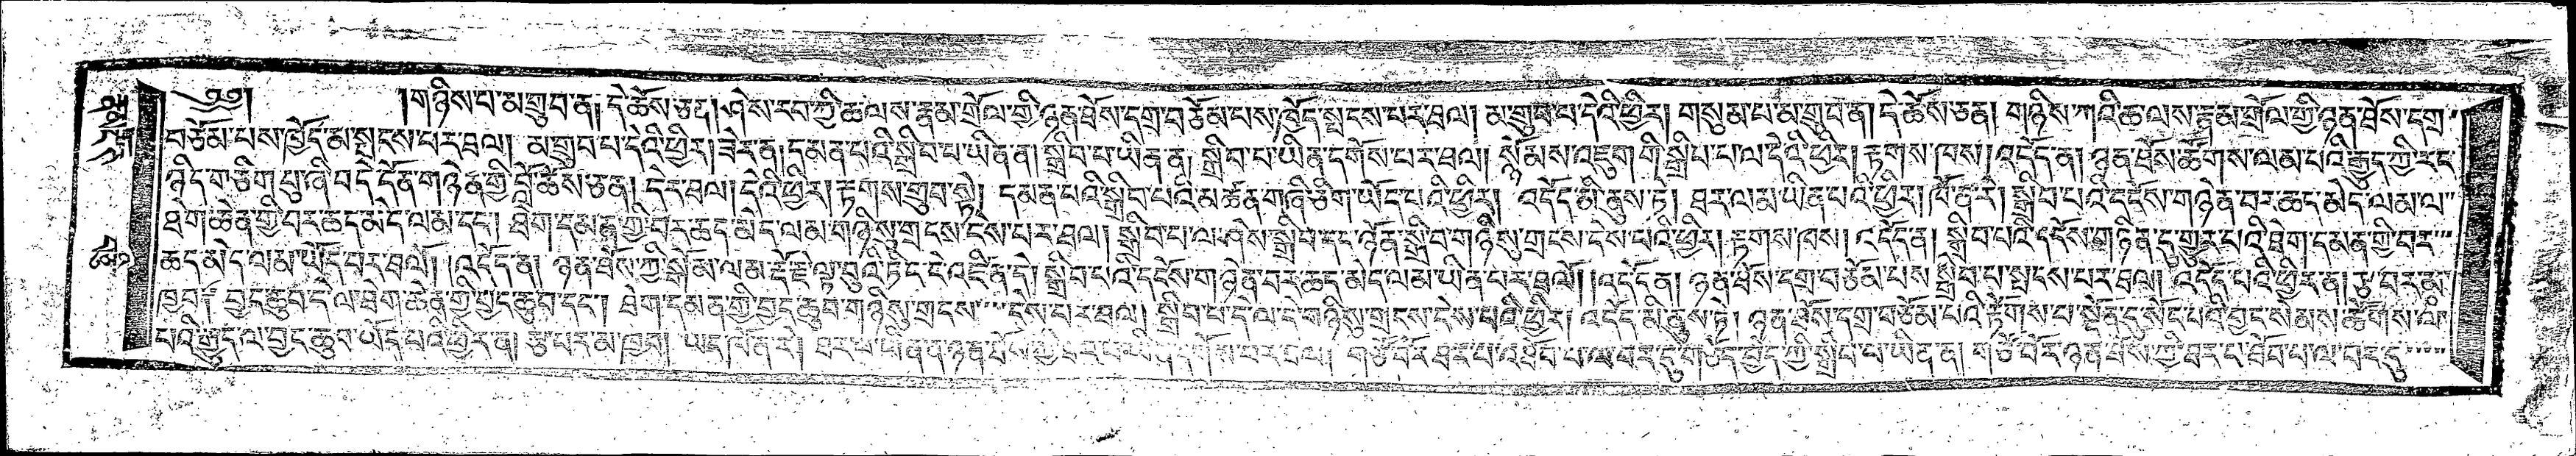༄༅། །གཉིས་པ་མ་གྲུབ་ན། དེ་ཆོས་ཅན། ཤེས་རབ་ཀྱི་ཆ་ལས་རྣམ་གྲོལ་གྱི་ཉན་ཐོས་དགྲ་བཅོམ་པས་ཁྱོད་སྤངས་པར་ཐལ། མ་གྲུབ་པ་དེའི་ཕྱིར། གསུམ་པ་མ་གྲུབ་ན། དེ་ཆོས་ཅན། གཉིས་ཀའི་ཆ་ལས་རྣམ་གྲོལ་གྱི་ཉན་ཐོས་དགྲ་
བཅོམ་པས་ཁྱོད་མ་སྤངས་པར་ཐལ། མ་གྲུབ་པ་དེའི་ཕྱིར། ཟེར་ན། དམན་པའི་སྒྲིབ་པ་ཡིན་ན། སྒྲིབ་པ་ཡིན་དགོས་པར་ཐལ། སྙོམས་འཇུག་གི་སྒྲིབ་པ་ལ་དེའི་ཕྱིར། རྟགས་ཁས། འདོད་ན། ཉན་ཐོས་ཚོགས་ལམ་པའི་རྒྱུད་ཀྱི་རང་
ཉིད་གཅིག་པུ་ཞི་བདེ་དོན་གཉེན་གྱི་བློ་ཆོས་ཅན། དེར་ཐལ། དེའི་ཕྱིར། རྟགས་གྲུབ་སྟེ། དམན་པའི་སྒྲིབ་པའི་མཚན་གཞི་ཅིག་ཡོད་པའི་ཕྱིར། འདོད་མི་ནུས་ཏེ། ཐར་ལམ་ཡིན་པའི་ཕྱིར། ཁོ་ན་རེ། སྒྲིབ་པའི་དངོས་གཉེན་བར་ཆད་མེད་ལམ་ལ་
ཐེག་ཆེན་གྱི་བར་ཆད་མེད་ལམ་དང་། ཐེག་དམན་གྱི་བར་ཆད་མེད་ལམ་གཉིས་སུ་གྲངས་ངེས་པར་ཐལ། སྒྲིབ་པ་ལ་ཤེས་སྒྲིབ་དང་ཉོན་སྒྲིབ་གཉིས་སུ་གྲངས་ངེས་པའི་ཕྱིར། རྟགས་ཁས། འདོད་ན། སྒྲིབ་པའི་དངོས་གཉིན་དུ་གྱུར་པའི་ཐེག་དམན་གྱི་བར་
ཆད་མེད་ལམ་ཡོད་པར་ཐལ་ལོ། །འདོད་ན། ཉན་ཐོས་ཀྱི་སྒོམ་ལམ་རྡོ་རྗེ་ལྟ་བུའི་ཏིང་ངེ་འཛིན་དེ། སྒྲིབ་པའི་དངོས་གཉེན་བར་ཆད་མེད་ལམ་ཡིན་པར་ཐལ་ལོ། །འདོད་ན། ཉན་ཐོས་དགྲ་བཅོམ་པས་སྒྲིབ་པ་སྤངས་པར་ཐལ། འདོད་པའི་ཕྱིར་ན། རྩ་བར་མ་
ཁྱབ༑ བྱང་ཆུབ་དེ་ལ་ཐེག་ཆེན་གྱི་བྱང་ཆུབ་དང་། ཐེག་དམན་གྱི་བྱང་ཆུབ་གཉིས་སུ་གྲངས་ངེས་པར་ཐལ། སྒྲིབ་པ་དེ་ལ་དེ་གཉིས་སུ་གྲངས་ངེས་པའི་ཕྱིར། འདོད་མི་ནུས་ཏེ། ཉན་ཐོས་དགྲ་བཅོམ་པའི་རྟོགས་པ་སྔོན་དུ་སོང་བའི་བྱང་སེམས་ཚོགས་ལམ་
པའི་རྒྱུད་ལ་བྱང་ཆུབ་ཡོད་པའི་ཕྱིར་ན། རྩ་པར་མ་ཁྱབ། ཡང་ཁོ་ན་རེ། ཐར་པ་ཡིན་ན་ཉན་ཐོས་ཀྱི་ཐར་པ་ཡིན་དགོས་པར་ཐལ། གཙོ་བོར་ཐར་པ་འཐོབ་པ་ལ་བར་དུ་གཅོད་བྱེད་ཀྱི་སྒྲིབ་པ་ཡིན་ན། གཙོ་བོར་ཉན་ཐོས་ཀྱི་ཐར་པ་ཐོབ་པ་ལ་བར་དུ་